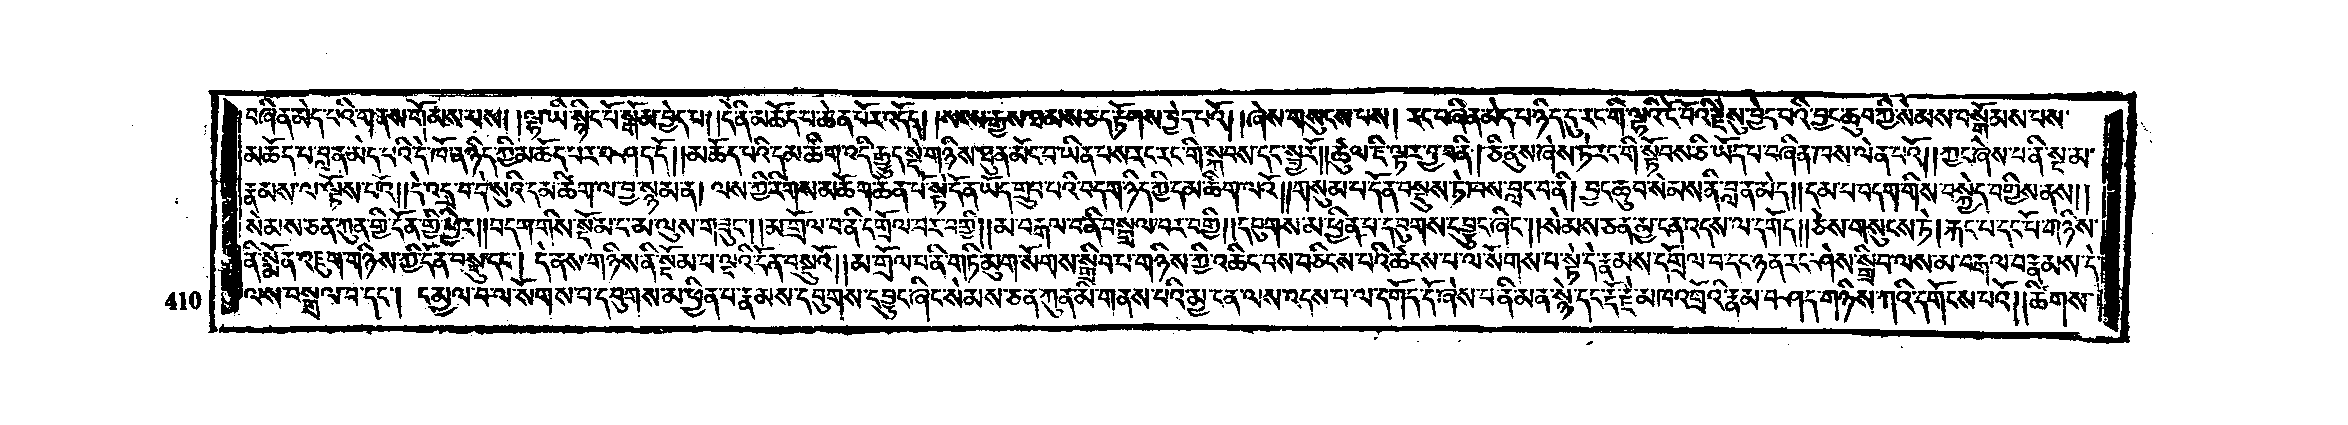བཞིན་མེད་པའི་གནས་གོམས་པས། །ལྷ་ཡི་སྙིང་པོ་སྒོམ་བྱེད་པ། །དེ་ནི་མཆོད་པ་ཆེན་པོར་འདོད། །སངས་རྒྱས་ཐམས་ཅད་རྟོགས་བྱེད་པའོ། །ཞེས་གསུངས་པས། རང་བཞིན་མེད་པ་ཉིད་དུ་རང་གི་ལྷའི་ངོ་བོའི་རྗེས་སུ་བྱེད་པའི་བྱང་ཆུབ་ཀྱི་སེམས་བསྒོམས་པས་
མཆོད་པ་བླ་ན་མེད་པའི་དེ་ཁོ་ན་ཉིད་ཀྱི་མཆོད་པར་བཤད་དོ། །མཆོད་པའི་དམ་ཚིག་འདི་རྒྱུད་སྡེ་གཉིས་ཐུན་མོང་བ་ཡིན་པས་རང་རང་གི་སྐབས་དང་སྦྱར་རོ། །ཚུལ་ཇི་ལྟར་བྱ་བ་ནི། ཅི་ནུས་ཞེས་ཏེ་རང་གི་སྟོབས་ཅི་ཡོད་པ་བཞིན་ཁས་ལེན་པའོ། །ཀྱང་ཞེས་པ་ནི་སྔ་མ་
རྣམས་ལ་ལྟོས་པའོ། །དེ་འདྲ་བ་དེ་སུའི་དམ་ཚིག་ལ་བྱ་སྙམ་ན། ལས་ཀྱི་རིགས་མཆོག་ཆེན་པོ་སྟེ་དོན་ཡོད་གྲུབ་པའི་བདག་ཉིད་ཀྱི་དམ་ཚིག་ལའོ། །གསུམ་པ་དོན་བསྡུས་ཏེ་ཁས་བླང་བ་ནི། བྱང་ཆུབ་སེམས་ནི་བླ་ན་མེད། །དམ་པ་བདག་གིས་བསྐྱེད་བགྱིས་ནས། །
སེམས་ཅན་ཀུན་གྱི་དོན་གྱི་ཕྱིར། །བདག་གིས་སྡོམ་པ་མ་ལུས་གཟུང་། །མ་གྲོལ་བ་ནི་དགྲོལ་བར་བགྱི། །མ་བརྒལ་བ་ནི་བསྒྲལ་བར་བགྱི། །དབུགས་མ་ཕྱིན་པ་དབུགས་དབྱུང་ཞིང་། །སེམས་ཅན་མྱ་ངན་འདས་ལ་དགོད། །ཅེས་གསུངས་ཏེ། རྐང་པ་དང་པོ་གཉིས་
ནི་སྨོན་འཇུག་གཉིས་ཀྱི་དོན་བསྡུ་དང་། དེ་ནས་གཉིས་ནི་སྡོམ་པ་ལྔའི་དོན་བསྡུའོ། །མ་གྲོལ་པ་ནི་གཏི་མུག་སོགས་སྒྲིབ་པ་གཉིས་ཀྱི་འཆིང་བས་བཅིངས་པའི་ཚངས་པ་ལ་སོགས་པ་སྟེ་དེ་རྣམས་དགྲོལ་བ་དང་ཉན་རང་ཤེས་སྒྲིབ་ལས་མ་བརྒལ་བ་རྣམས་དེ་
ལས་བསྒྲལ་བ་དང་། དམྱལ་བ་ལ་སོགས་པ་དབུགས་མ་ཕྱིན་པ་རྣམས་དབུགས་དབྱུང་ཞིང་སེམས་ཅན་ཀུན་མི་གནས་པའི་མྱ་ངན་ལས་འདས་པ་ལ་དགོད་དོ་ཞེས་པ་ནི་མན་སྙེ་དང་རྡོ་རྗེ་མཁའ་འགྲོའི་རྣམ་བཤད་གཉིས་ཀའི་དགོངས་པའོ། །ཚིགས་